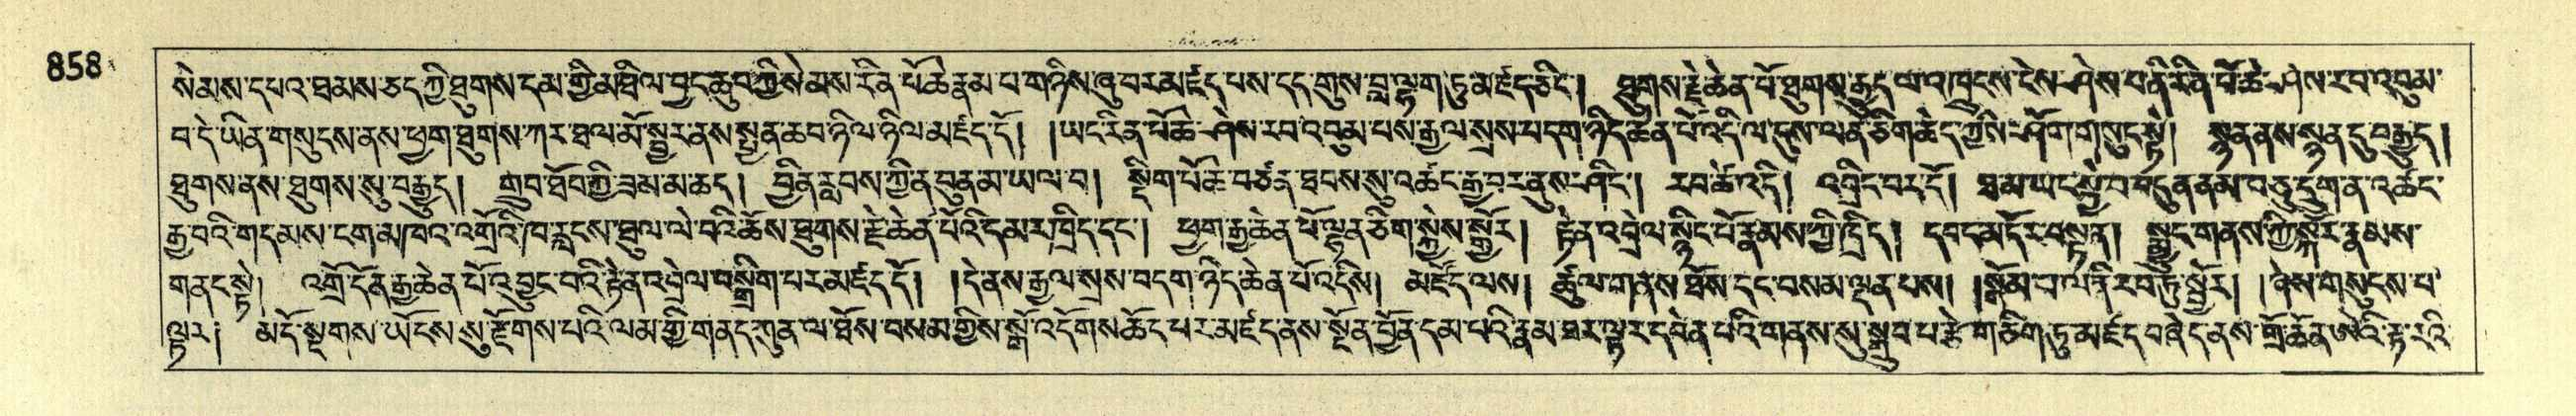སེམས་དཔའ་ཐམས་ཅད་ཀྱི་ཐུགས་དམ་གྱི་མཐིལ་བྱང་ཆུབ་ཀྱི་སེམས་རིན་པོ་ཆེ་རྣམ་པ་གཉིས་ཞུ་བར་མཛད་པས་དད་གུས་བླ་ལྷག་ཏུ་མཛད་ཅིང་། ཐུགས་རྗེ་ཆེན་པོ་ཐུགས་རྒྱུད་ལ་འཁྲུངས་ངེས་ཤེས་པ་ནི་རིན་པོ་ཆེ་ཤེས་རབ་འབུམ་
བ་དེ་ཡིན་གསུངས་ནས་ཕྱག་ཐུགས་ཀར་ཐལ་མོ་སྦྱར་ནས་སྤྱན་ཆབ་ཉིལ་ཉིལ་མཛད་དོ། །ཡང་རིན་པོ་ཆེ་ཤེས་རབ་འབུམ་པས་རྒྱལ་སྲས་བདག་ཉིད་ཆེན་པོ་འདི་ལ་དུས་ལན་ཅིག་ཆེད་ཀྱིས་ཤོག་གསུང་སྟེ། སྙན་ནས་སྙན་དུ་བརྒྱུད།
ཐུགས་ནས་ཐུགས་སུ་བརྒྱུད། གྲུབ་ཐོབ་ཀྱི་ཟམ་མ་ཆད། བྱིན་རླབས་ཀྱི་ན་བུན་མ་ཡལ་བ། སྡིག་པོ་ཆེ་བཙན་ཐབས་སུ་འཚང་རྒྱ་བར་ནུས་ཤིང་། རབ་ཚེ་འདི། འབྲིང་བར་དོ། ཐ་མ་ཡང་སྐྱེ་བ་བདུན་ནམ་བཅུ་དྲུག་ན་འཚང་
རྒྱ་བའི་གདམས་ངག་མཁའ་འགྲོའི་ཁ་རླངས་ཐུལ་ལེ་བའི་ཆོས་ཐུགས་རྗེ་ཆེན་པོའི་དམར་ཁྲིད་དང་། ཕྱག་རྒྱ་ཆེན་པོ་ལྷན་ཅིག་སྐྱེས་སྒྱོར། རྟེན་འབྲེལ་སྙིང་པོ་རྣམས་ཀྱི་ཁྲིད། དབང་མདོར་བསྟན། སྨྱུང་གནས་ཀྱི་སྐོར་རྣམས་
གནང་སྟེ། འགྲོ་དོན་རྒྱ་ཆེན་པོ་འབྱུང་བའི་རྟེན་འབྲེལ་བསྒྲིག་པར་མཛད་དོ། །དེ་ནས་རྒྱལ་སྲས་བདག་ཉིད་ཆེན་པོ་འདིས། མཛོད་ལས། ཚུལ་གནས་ཐོས་དང་བསམ་ལྡན་པས། །སྒོམ་པ་ལ་ནི་རབ་ཏུ་སྦྱོར། །ཞེས་གསུངས་པ་
ལྟར༑ མདོ་སྔགས་ཡོངས་སུ་རྫོགས་པའི་ལམ་གྱི་གནད་ཀུན་ལ་ཐོས་བསམ་གྱིས་སྒོ་འདོགས་ཆོད་པར་མཛད་ནས་སྔོན་བྱོན་དམ་པའི་རྣམ་ཐར་ལྟར་དབེན་པའི་གནས་སུ་སྒྲུབ་པ་རྩེ་གཅིག་ཏུ་མཛད་བཞེད་ནས་གྲོ་ཆོན་ཨེའི་རྟ་རའི་